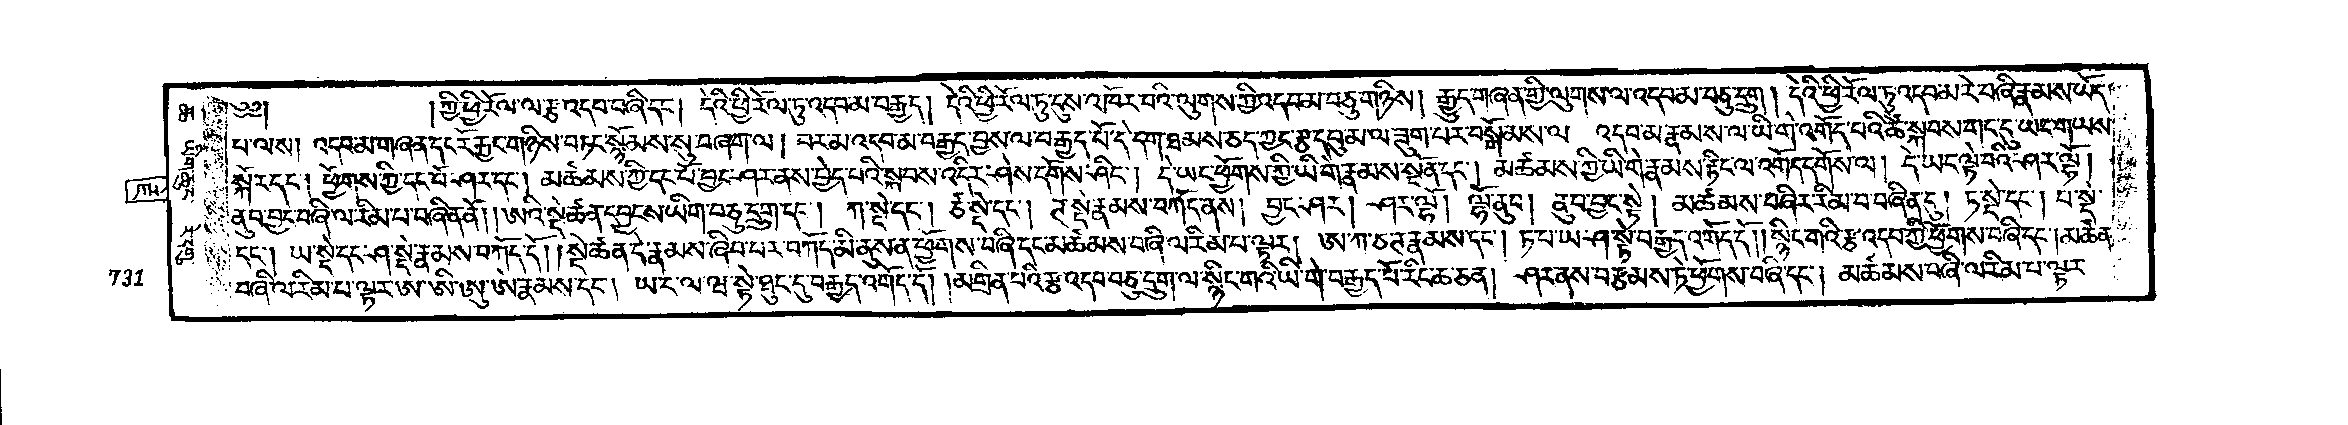༄༅། །ཀྱི་ཕྱི་རོལ་ལ་རྩ་འདབ་བཞི་དང་། དེའི་ཕྱི་རོལ་ཏུ་འདབ་མ་བརྒྱད། དེའི་ཕྱི་རོལ་ཏུ་དུས་འཁོར་བའི་ལུགས་ཀྱི་འདབ་མ་བཅུ་གཉིས། རྒྱུད་གཞན་གྱི་ལུགས་ལ་འདབ་མ་བཅུ་དྲུག །དེའི་ཕྱི་རོལ་ཏུ་འདབ་མ་རེ་བཞི་རྣམས་ཡོད་
པ་ལས། འདབ་མ་གཞན་དང་རོ་རྐྱང་གཉིས་བཏང་སྙོམས་སུ་བཞག་ལ། བར་མ་འདབ་མ་བརྒྱད་བྱས་ལ་བརྒྱད་པོ་དེ་དག་ཐམས་ཅད་ཀྱང་རྩ་དབུ་མ་ལ་ཟུག་པར་བསྒོམས་ལ། འདབ་མ་རྣམས་ལ་ཡི་གེ་འགོད་པའི་ཚེ་སྐབས་གང་དུ་ཡང་གཡས་
སྐོར་དང་། ཕྱོགས་ཀྱི་དང་པོ་ཤར་དང་། མཚམས་ཀྱི་དང་པོ་བྱང་ཤར་ནས་བྱེད་པའི་སྐབས་འདིར་ཤེས་དགོས་ཤིང་། དེ་ཡང་ཕྱོགས་ཀྱི་ཡི་གེ་རྣམས་སྔོན་དང་། མཚམས་ཀྱི་ཡི་གེ་རྣམས་རྟིང་ལ་འགོད་དགོས་ལ། དེ་ཡང་ལྟེ་བའི་ཤར་ལྷོ།
ནུབ་བྱང་བཞི་ལ་རིམ་པ་བཞིན་ནོ། །ཨཱི་སྡེ་ཚན་དབྱངས་ཡིག་བཅུ་དྲུག་དང་། ཀ་སྡེ་དང་། ཙ་སྡེ་དང་། ཊ་སྡེ་རྣམས་བཀོད་ནས། བྱང་ཤར། ཤར་ལྷོ། ལྷོ་ནུབ། ནུབ་བྱང་སྟེ། མཚམས་བཞིར་རིམ་པ་བཞིན་དུ། ཏ་སྡེ་དང་། པ་སྡེ་
དང་། ཡ་སྡེ་དང་ཤ་སྡེ་རྣམས་བཀོད་དོ། །སྡེ་ཚན་དེ་རྣམས་ཞིབ་པར་བཀོད་མི་ནུས་ན་ཕྱོགས་བཞི་དང་མཚམས་བཞི་ལ་རིམ་པ་ལྟར། ཨ་ཀ་ཙ་ཊ་རྣམས་དང་། ཏ་པ་ཡ་ཤ་སྟེ་བརྒྱད་འགོད་དོ། །སྙིང་གའི་རྩ་འདབ་ཀྱི་ཕྱོགས་བཞི་དང་། མཚམས་
བཞི་ལ་རིམ་པ་ལྟར་ཨ་ཨི་ཨུ་ཨེ་རྣམས་དང་། ཡ་ར་ལ་ཝ་སྟེ་ཐུང་དུ་བརྒྱད་འགོད་དོ། །མགྲིན་པའི་རྩ་འདབ་བཅུ་དྲུག་ལ་སྙིང་གའི་ཡི་གེ་བརྒྱད་པོ་རིང་ཆ་ཅན། ཤར་ནས་བརྩམས་ཏེ་ཕྱོགས་བཞི་དང་། མཚམས་བཞི་ལ་རིམ་པ་ལྟར་